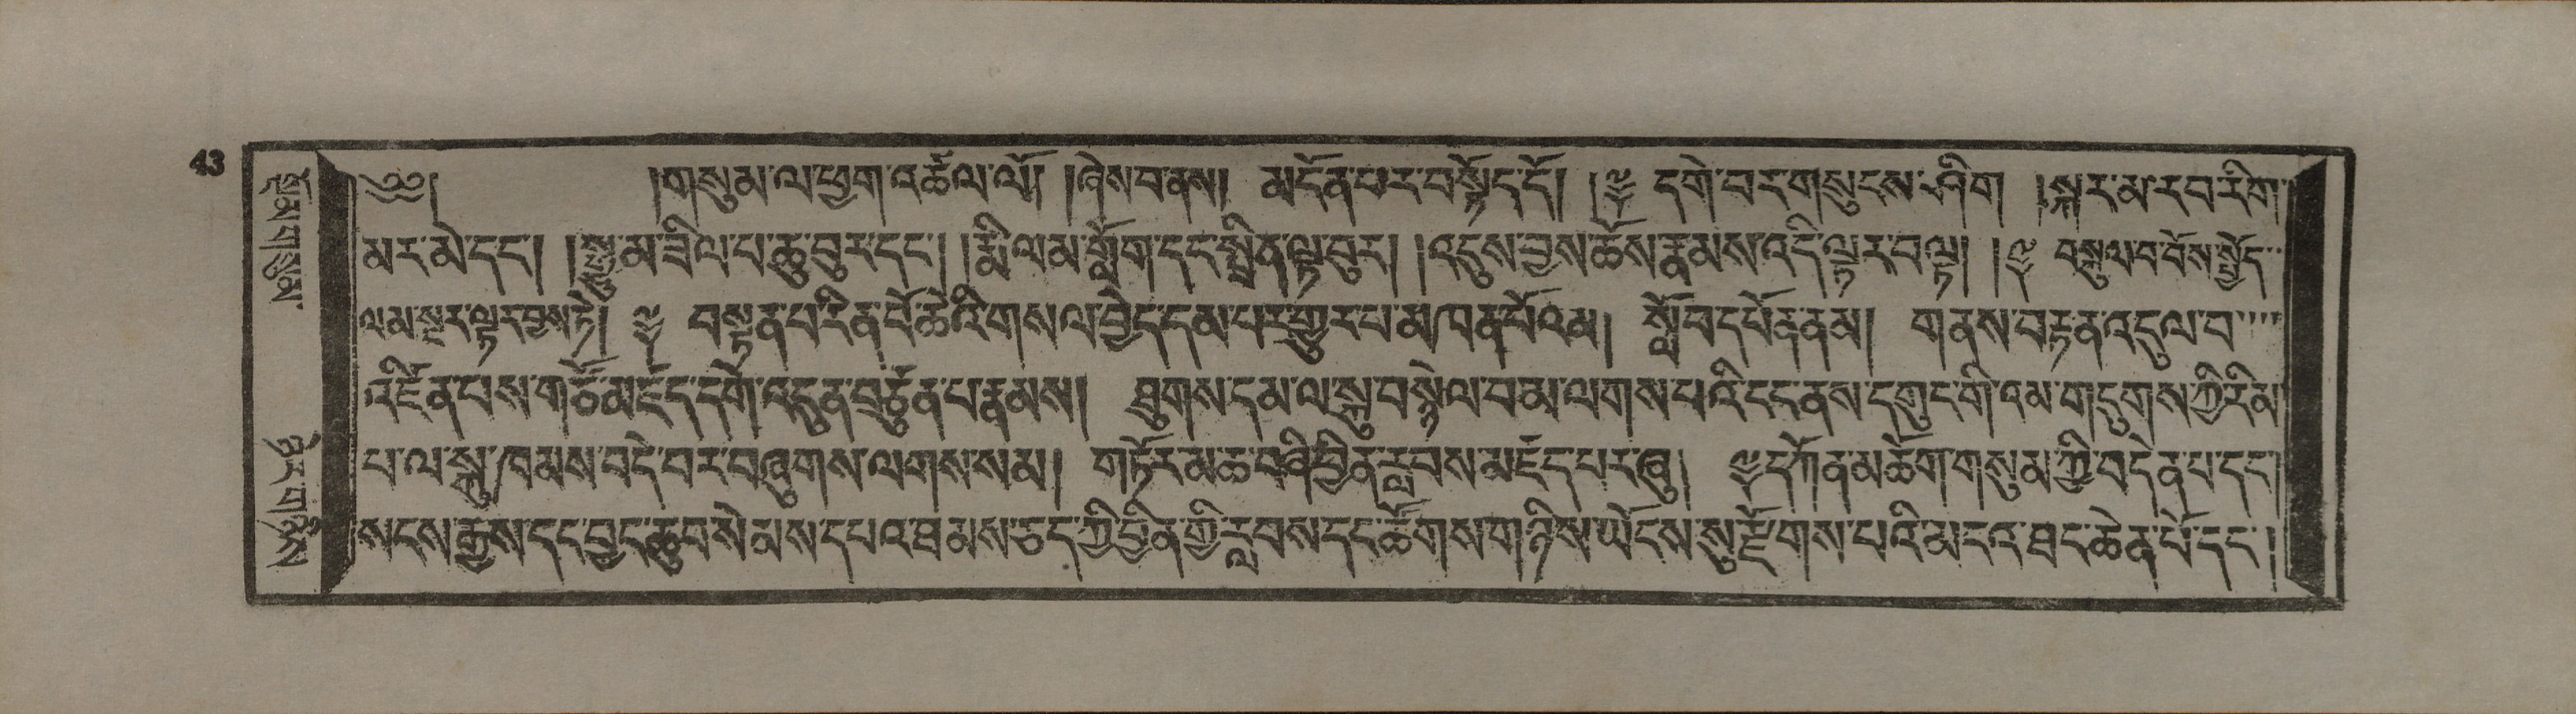༄༅། །གསུམ་ལ་ཕྱག་འཚལ་ལོ། །ཞེས་པ་ནས།  མངོན་པར་བསྟོད་དོ། ། ༈ དགེ་བར་གསུངས་ཤིག །སྐར་མ་རབ་རིག་
མར་མེ་དང་། །སྒྱུ་མ་ཟིལ་པ་ཆུ་བུར་དང་། །རྨི་ལམ་གློག་དང་སྤྲིན་ལྟ་བུར། །འདུས་བྱས་ཆོས་རྣམས་འདི་ལྟར་བལྟ། ། ༈ བསྐུལ་བ་བོས་སྤྱོད་
ལམ་སྔར་ལྟར་བྱས་ཏེ། ༈ བསྟན་པ་རིན་པོ་ཆེའི་གསལ་བྱེད་དམ་པར་གྱུར་པ་མཁན་པོའམ། སློབ་དཔོན་ནམ། གནས་བརྟན་འདུལ་བ་
འཛིན་པས་གཙོ་མཛད་དགེ་འདུན་བཙུན་པ་རྣམས། ཐུགས་དམ་ལ་སྐུ་བསྙེལ་བ་མ་ལགས་པའི་ངད་ངང་ནས་དགུང་གི་འམ་གདུགས་ཀྱི་རིམ་
པ་ལ་སྐུ་ཁམས་བདེ་བར་བཞུགས་ལགས་སམ། གཏོར་མ་ཆ་བཞི་བྱིན་རླབས་མཛད་པར་ཞུ། ༈ དཀོན་མཆོག་གསུམ་གྱི་བདེན་པ་དང་།
སངས་རྒྱས་དང་བྱང་ཆུབ་སེམས་དཔའ་ཐམས་ཅད་ཀྱི་བྱིན་གྱི་རླབས་དང་ཚོགས་གཉིས་ཡོངས་སུ་རྫོགས་པའི་མངའ་ཐང་ཆེན་པོ་དང་།